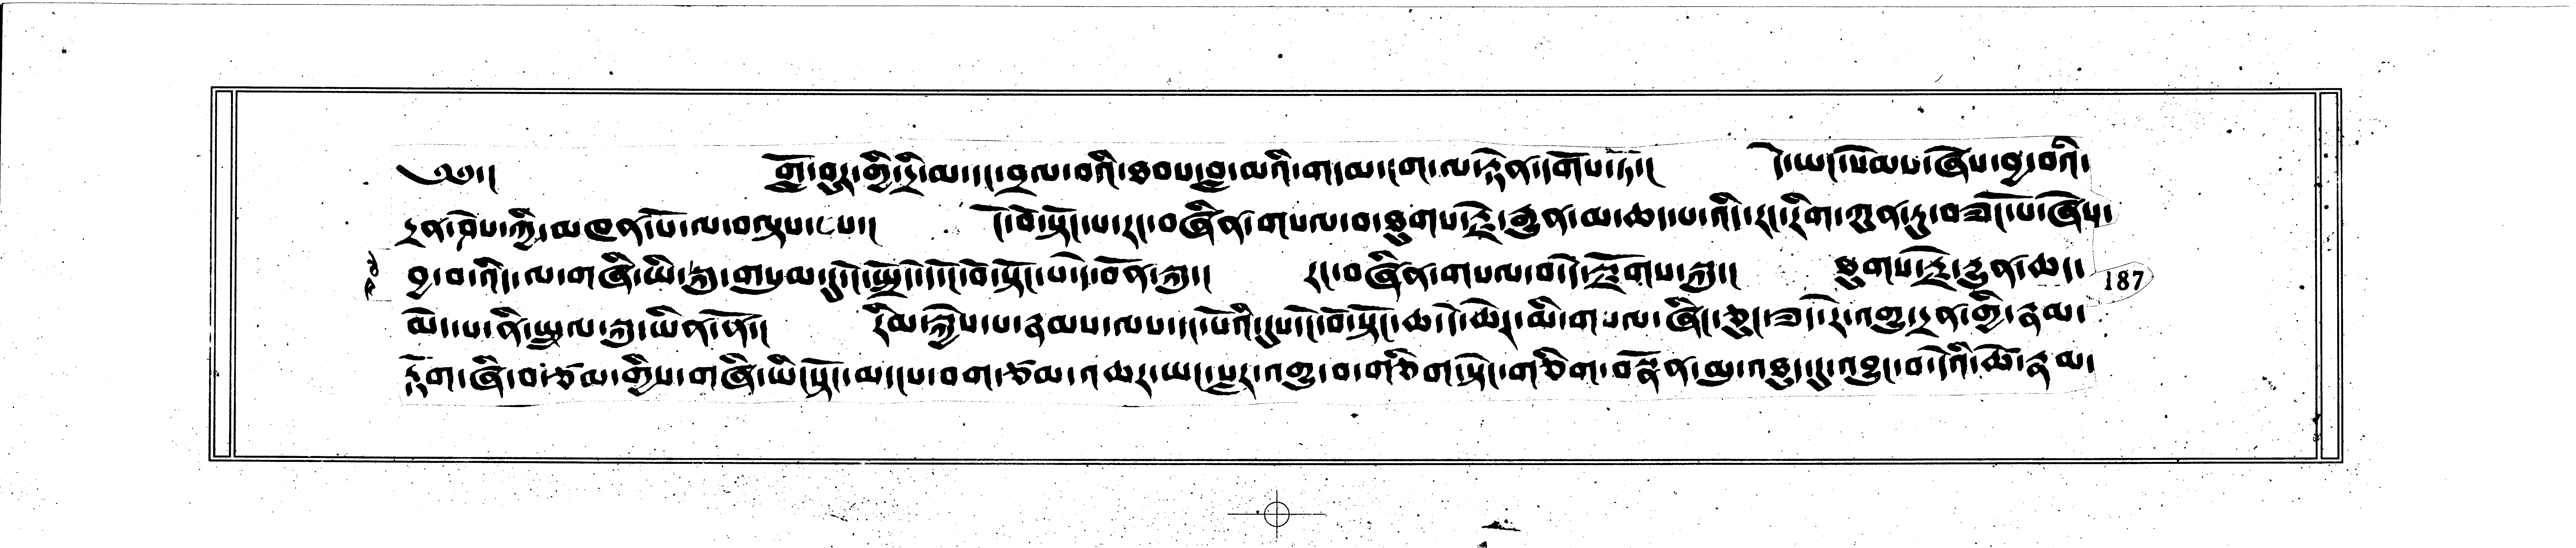གློ་བུར་གྱི་དྲི་མ་དང་བྲལ་བའི་ཐབས་བླ་མའི་གདམས་ངག་ལ་བརྟེན་དགོས་ཏེ། དེ་ཡང་སེམས་ཞེས་བྱ་བའི་
དྲན་ཤེས་ཀྱི་མཁན་པོ་ལ་བལྟས་པས། ངོ་བོ་སྟོང་པ་རང་བཞིན་གསལ་བ་ཐུགས་རྗེ་རྒྱུན་མ་ཆད་པ་འདི་རང་རིག་ཀུན་ཏུ་བཟང་པོ་ཞེས་
བྱ་བ་འདི་ལ་གཞི་ཡི་སྐུ་གསུམ་དུ་ངོ་སྤྲོད་དེ་ངོ་བོ་སྟོང་པ་དེ་བོན་སྐུ། རང་བཞིན་གསལ་བ་རྫོགས་སྐུ། ཐུགས་རྗེ་རྒྱུན་ཆད་
མེད་པ་ནི་སྤྲུལ་སྐུ་ཡིན་ནོ། རིམ་སྐྱེས་པ་རྣམས་ལས་དང་པོའི་དུས་ངོ་བོ་སྟོང་ཆ་དེ་ཆེར་མི་གསལ་ཞིང་ཅུང་ཟད་རེ་འགྱུ་དྲན་གྱི་རྣམ་
རྟོག་ཞི་བ་ཙམ་གྱིས་གཞི་ཡི་སྟོང་མདངས་བག་ཙམ་འཆར་ཡང་སླར་འགྱུ་བ་གཅིག་སྟེང་གཅིག་སྣོན་མུ་མཐུད་དུ་འབྱུང་བ་དེའི་ཚེ་རྣམ་